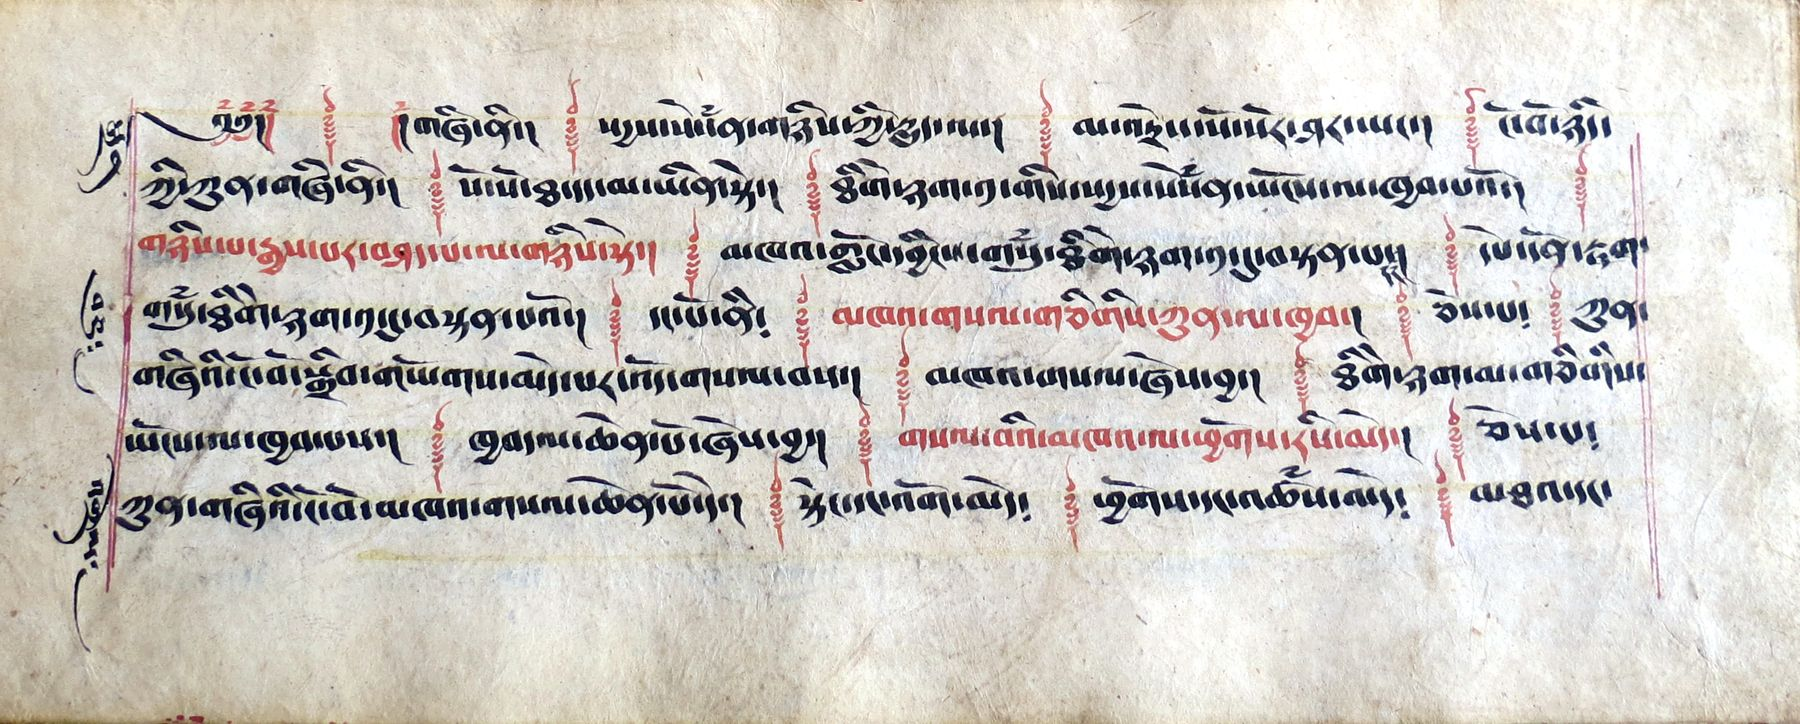གཞི་ནི། སངས་རྒྱས་སེམས་ཅན་གཉིས་ཀྱི་རྒྱུད་ལ། མ་འདྲེས་སོ་སོར་ཤར་ཡང་། ངོ་བོ་ཉིད་
ཀྱི་ཀུན་གཞི་ནི། སོ་སོ་ཐ་དད་མ་ཡིན་ཏེ། ཐིག་ལེ་ཉག་མ་གཅིག་གིས་སངས་རྒྱས་སེམས་ཅན་ཡོངས་ལ་ཁྱབ་པའོ། །
གཉིས་པར་རྒྱས་པར་བཤད་པ་ལ་གཉིས་ཏེ། མཁའ་ཀློང་དབྱིངས་གསུམ་ཐིག་ལེ་ཉག་གཅིག་ཏུ་བསྟན་པ་དང་། དཔེ་དོན་རྟགས་
གསུམ་ཐིག་ལེ་ཉག་གཅིག་ཏུ་བསྟན་པའོ། །དང་པོ་ནི། མཁའ་གསལ་གཅིག་གིས་ཀུན་ལ་ཁྱབ། །ཅེས་པ། ཀུན་
གཞིའི་ངོ་བོ་སྒྲིབ་གཡོགས་མེད་པར་འོད་གསལ་པས། མཁའ་གསལ་ཞེས་བྱ། ཐིག་ལེ་ཉག་མ་གཅིག་གིས་
ཡོངས་ལ་ཁྱབ་པས། ཁྱབ་བདལ་ཆེན་པོ་ཞེས་བྱ། གསལ་བའི་མཁའ་ལ་ཕྱོགས་རིས་མེད། ཅེས་པས། 
ཀུན་གཞིའི་ངོ་བོ་མཁའ་གསལ་ཆེན་པོ་དེ། སྟེང་དང་འོག་མེད། ཕྱོགས་དང་མཚམས་མེད། མཐའ་དང་